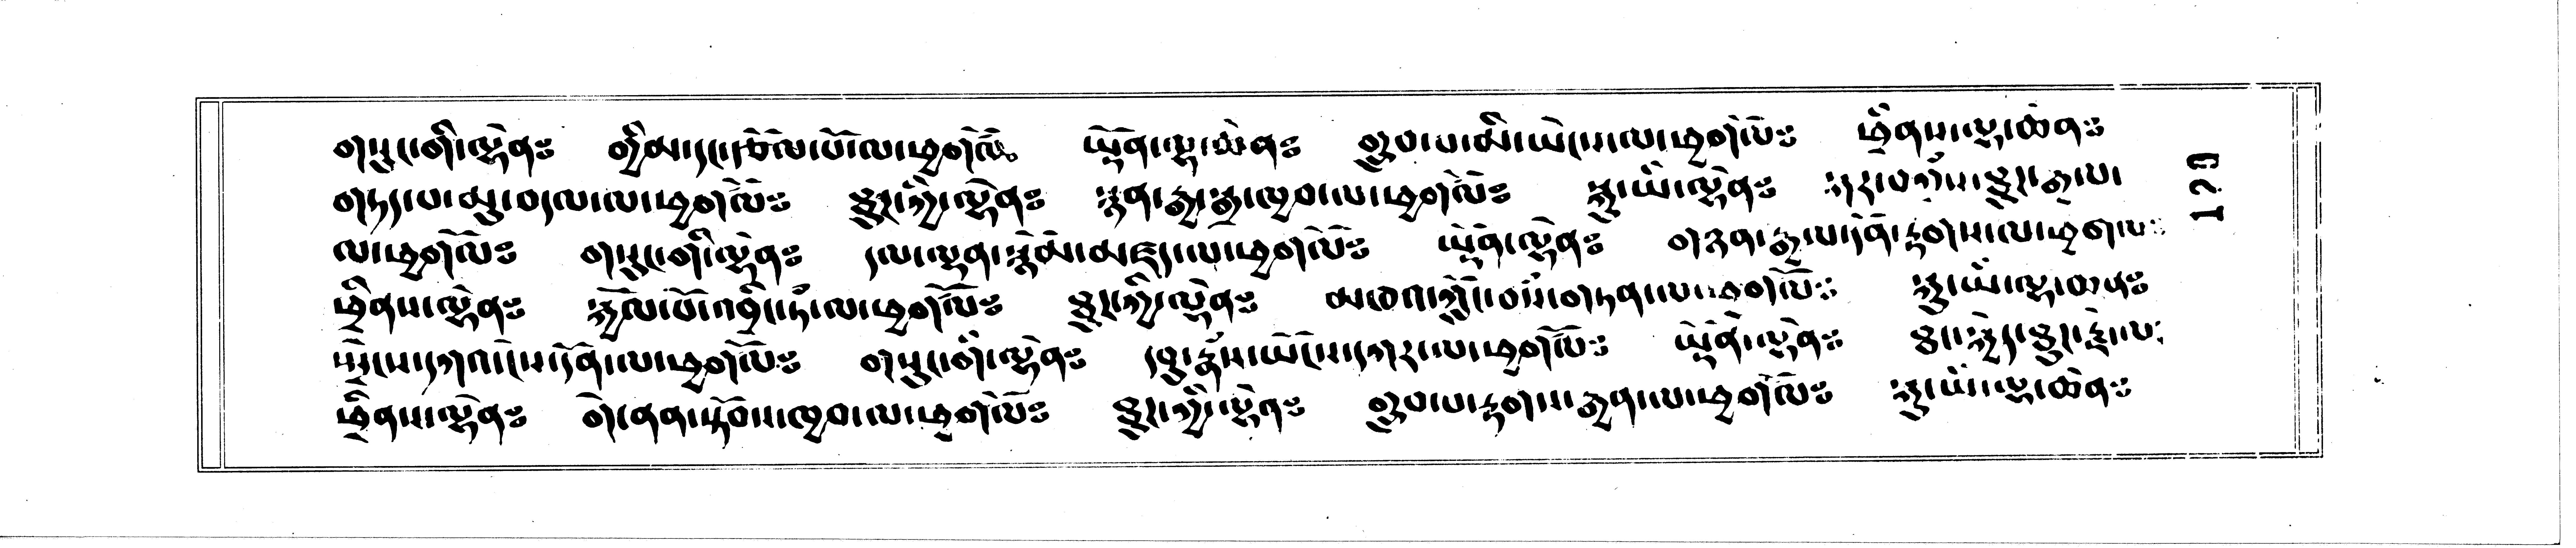གསུང་གི་ལྷ་ཆེནཿགྱིམ་དང་རྩོལ་པོ་ལ་ཕྱག་འཚལ་ལོཿ ཡོན་ཏན་གྱི་ལྷ་ཆེནཿ གྲུབ་པ་མི་ཡེངས་ལ་ཕྱག་འཚལ་ལོཿ ཕྲིན་ལས་ཀྱི་ལྷ་ཆེནཿ 
གཏད་པ་མུ་བདལ་ལ་ཕྱག་འཚལ་ལོཿ ཐུགས་ཀྱི་ལྷ་ཆེནཿ སྙན་རྒྱ་སྒྲར་ཁྱབ་ལ་ཕྱག་འཚལ་ལོཿ སྐུ་ཡི་ལྷ་ཆེནཿ སྐར་བཀྲམ་ཐུགས་རྒྱལ་
ལ་ཕྱག་འཚལ་ལོཿ གསུང་གི་ལྷ་ཆེནཿ དལ་ལྡན་སྙོམས་མཛད་ལ་ཕྱག་འཚལ་ལོཿ ཡོན་ཏན་གྱི་ལྷ་ཆེནཿ གཉན་རྒྱལ་དོན་རྟགས་ལ་ཕྱག་འཚལ་ལོཿ
 ཕྲིན་ལས་ཀྱི་ལྷ་ཆེནཿ སྐྱོལ་པོ་འབྲིང་ཏམ་ལ་ཕྱག་འཚལ་ལོཿ ཐུགས་ཀྱི་ལྷ་ཆེནཿ མཁའ་ཀློང་བསམ་གཏན་ལ་ཕྱག་འཚལ་ལོཿ སྐུ་ཡི་ལྷ་ཆེནཿ
 སྤྲེངས་དཀའ་ངེས་དོན་ལ་ཕྱག་འཚལ་ལོཿ གསུང་གི་ལྷ་ཆེནཿ དབུ་རྣམས་ཡོངས་དཀར་ལ་ཕྱག་འཚལ་ལོཿ ཡོན་ཏན་གྱི་ལྷ་ཆེནཿ ཐང་སྐྱེད་ཐུགས་རྗེ་ལ་ཕྱག་འཚལ་ལོཿ 
ཕྲིན་ལས་ཀྱི་ལྷ་ཆེནཿ གེ་ནན་སྟོབས་ཁྱབ་ལ་ཕྱག་འཚལ་ལོཿ ཐུགས་ཀྱི་ལྷ་ཆེནཿ གྲུབ་པ་རྟགས་བརྒྱན་ལ་ཕྱག་འཚལ་ལོཿ སྐུ་ཡི་ལྷ་ཆེནཿ